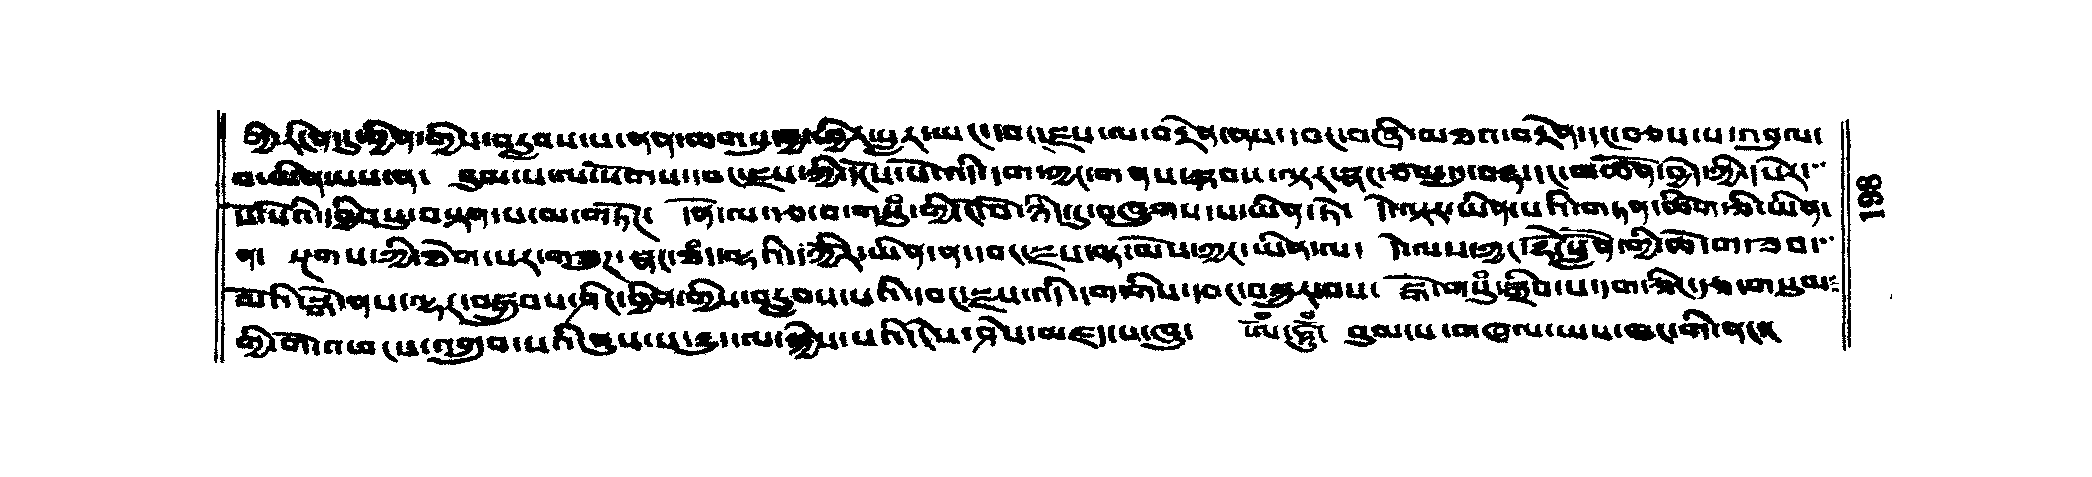གྱི་རང་བཞིན་དུ་བྱིན་གྱིས་བརླབས་པ་ནན་ཆགས་སུ་བྱ་ཕྱིར་སླར་ཡང་དབང་རྫས་ལ་བརྟེན་ནས་དབང་བཞི་མཐའ་བརྟེན་དང་བཅས་པ་འབུལ་
བ་ཡིན་པས་ན། བུམ་པ་ལ་སོགས་དབང་རྫས་ཀྱི་དངོས་པོ་འདི་དག་ཀྱང་གནས་སྐབས་ལྟར་སྣང་ཙམ་དུ་བརྡ་དང་མཚོན་བྱེད་ཀྱི་དཔེར་
སོ་སོའི་དབྱིས་སུ་བསྟན་པ་མ་གཏོགས། དོན་ལ་རྩ་བ་གསུམ་གྱི་ངོ་བོ་ནིད་དུ་བཞུགས་པ་ཡིན་ཏེ། དེ་ལྟར་ཡིན་པའི་གཏན་ཚིག་ཅི་ཡིན་
ན། སྔགས་ཀྱི་ཐེག་པར་གཟུགས་སྣང་ཐམས་ཅད་ལྷའི་དཀྱིལ་འཁོར་ཡིན་ན་དབང་རྫས་ལྷ་མོས་ཀྱང་ཡིན་ལ། དེ་ལས་ཀྱང་རྡོ་རྗེ་སློབ་དཔོན་གྱི་ཆོ་ག་ཟབ་
མོའི་སྒོ་ནས་ལྷར་བསྒྲུབས་ཤིང་བྱིན་གྱིས་བརླབས་པའི་དབང་རྫས་འདི་དག་གིས་དབང་བསྐུར་བས། སྒོ་གསུམ་སྒྲིབ་པ་དག་ཅིང་རྩ་གསུམ་
གྱི་གོ་འཕང་འགྲུབ་པའི་ནུས་པ་རྒྱུད་ལ་སྐྱེས་པའི་ངེས་ཤེས་མཛད་པ་ཞུ། ཨོཾ་ཧཱུྃ། བུམ་པ་གཞལ་ཡས་ཁང་གི་ནང་།